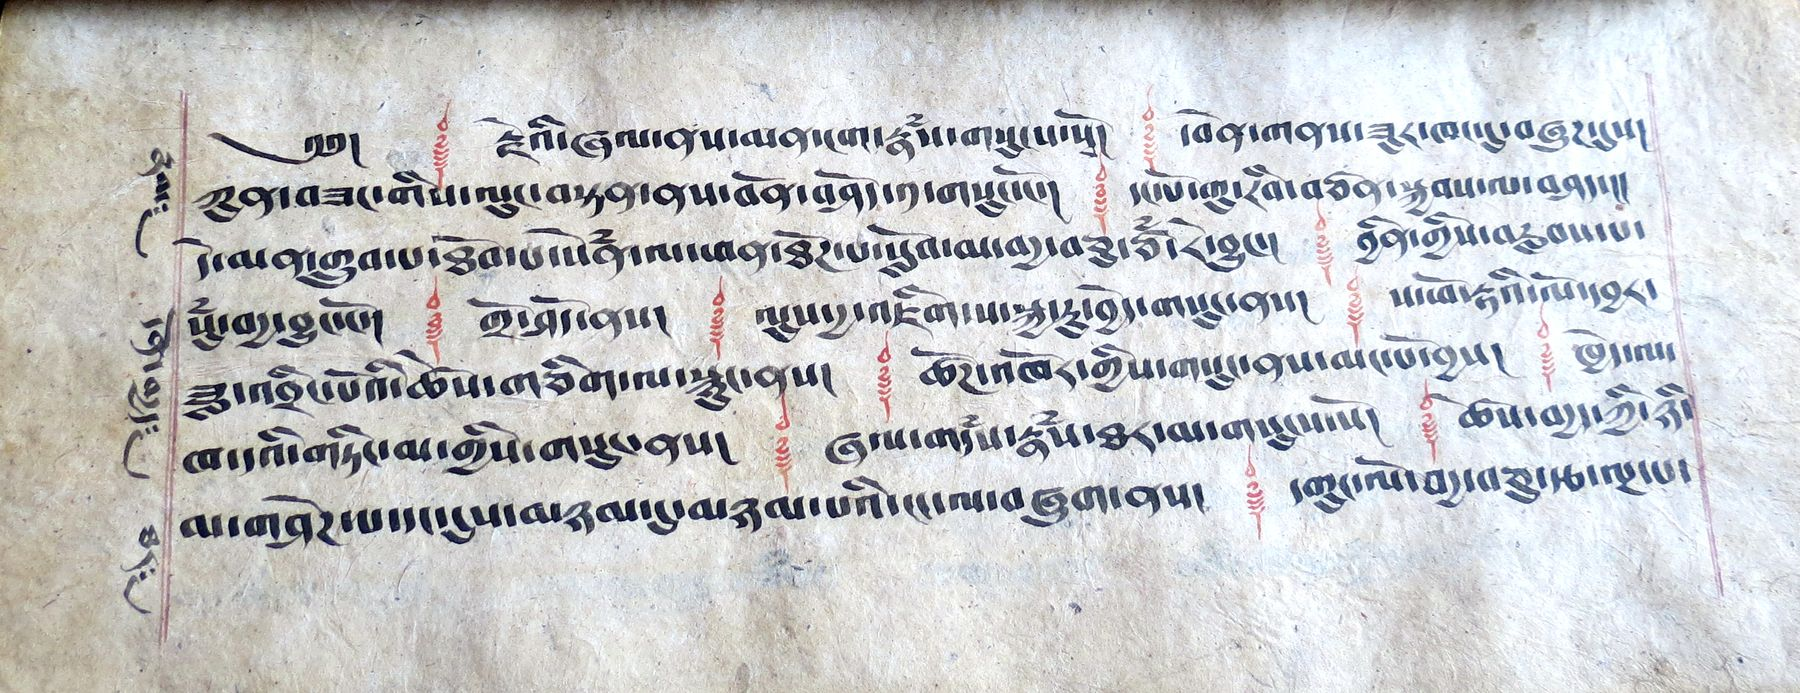རྗེའི་ཞལ་ནས་མན་ངག་རྣམས་གསུངས་སོ། ། དབེན་གནས་ཟུར་ཁང་དུ་བཞུགས་དུས། 
ཀུན་བཟང་གིས་ལུང་བསྟན་ནས་བོན་ཤོད་ཅིག་གསུངས། དང་པོ་གུ་རིབ་བཙན་སྐྱབས་ལ་བཤད། 
དེ་མན་གྲུབ་པ་ཐོབ་པ་སེམས་ཅན་ལ་ཕན་ཐོགས་པ་སློབ་མ་བརྒྱད་ཅུ་ཙམ་རེ་བྱུང་། བྱིན་གྱིས་བརླབས་པ་
སུམ་བརྒྱ་བྱུང་ངོ་། ། གྲོ་ཤོད་ནས་ལུས་རྒྱ་འཇིག་ས་སྐྱ་རུ་རུ་བྱེད་གསུངས་ནས། ས་ཕོ་རྟའི་ལོ་དབྱར་
ཟླ་ར་བ་འབྲིང་པོའི་ཚེས་གཅིག་ལ་བསྙུངས་ནས། ཚོགས་འཁོར་གྱིས་གསུངས་ནས་མང་པོ་བྱས། ཁྱེད་ལ་
ཁ་དའི་གཏིང་མ་གྱིས་གསུངས་ནས། ཞལ་གདམས་རྣམ་ཐར་མང་དུ་གསུངས་སོ། ། ཚེས་བརྒྱད་ཀྱི་ཉི་
མ་གཤེགས་པ་དང་། དུས་མཉམ་པའི་ངང་ལ་བཞུགས་ནས། དགུང་ལོ་བརྒྱད་ཅུ་རྩ་ལྔ་པ་